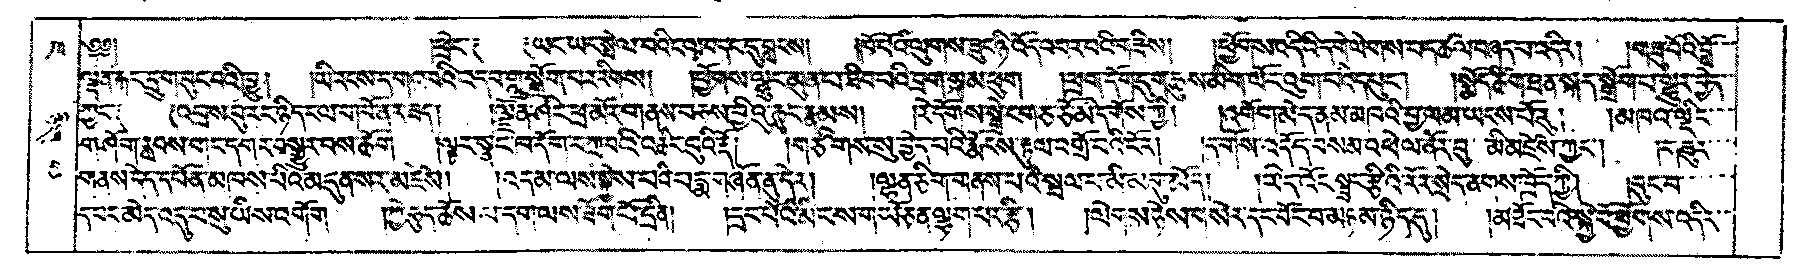༄༅། །ཕྲེང༑ ༑ཡང་ཡང་སྤེལ་བའི་ངལ་བ་དང་དུ་བླངས། །ཁོ་བོའི་ལུགས་ཟུང་ཉི་འོད་འབར་བའི་གཟིས། །ཕྱོགས་འདིའི་དགེ་ལེགས་པད་ཚལ་བཞད་པ་འདིར། །གཟུ་བོའི་བློ་
ལྡན་རྐང་དྲུག་བུང་བའི་ཁྱུ། །ཡི་རངས་དགའ་བའི་འདབ་གླུ་སྒྲོག་པར་རིགས། །ཕྱོགས་ལྷུང་མུན་པ་ཐིབ་པའི་བྲག་སྐམ་ཕུག །ཕྲག་དོག་དུག་ཆུས་མིག་ལོང་འུག་པའི་དཔུང་། །སྨོད་ཚིག་ཐན་སྐད་སྒྲོག་པ་ལྷུར་བྱེད་
ཀྱང་། །འབྲས་བུ་རང་ཉིད་ངལ་བ་ཁོ་ནར་ཟད། །ལྗོན་ཤིང་ཕྲ་མོར་གནས་བཅས་བྱིའུ་ཆུང་རྣམས། །རེ་དོགས་སྒྲེ་ངག་ཅ་ཅོ་མི་དགོས་ཀྱི། །འགོག་མེད་ནམ་མཁའི་བྱ་ལམ་ཡངས་པོ་རུ། །མཁའ་ལྡིང་
གཤོག་རླབས་གང་དགར་བསྒྱུར་བས་ཆོག །ལྟར་སྣང་ཁ་དོག་བཀྲ་བའི་འཆིང་བུའི་རྡོ། །གཙིགས་སུ་བྱེད་པའི་རྨོངས་རྟུལ་འགྲོ་བའི་ངོར། །དགོས་འདོད་བསམ་འཕེལ་ནོར་བུ་མི་མཛེས་ཀྱང་། །གཟུར་
གནས་དེད་དཔོན་མཁས་པའི་མདུན་སར་མཛེས། འདམ་ལས་སྐྱེས་པའི་པདམ་གཞོན་ནུ་དེར། །ལྷན་ཅིག་གནས་པའི་སྤལ་པ་མི་མགུ་མོད། །ཡིད་འོང་སྦྲང་རྩིའི་རོར་སྲེད་ནགས་ཁྲོད་ཀྱི། །བུང་བ་
དབང་མེད་འདུ་བ་སུ་ཡིས་འགོག །ཀྱེ་ཧུད་ཆོས་པ་དག་ལས་ཟོག་པོ་དྲིན། །དྲང་པོའི་མི་བས་གཡོ་ཅན་ལྷག་པར་རྩི། །ལེགས་ཉེས་གསེར་དང་བོང་བ་མཉམ་ཉིད་དུ། །མཐོང་བའི་སྐྱེ་བོ་ཕྱོགས་འདིར་